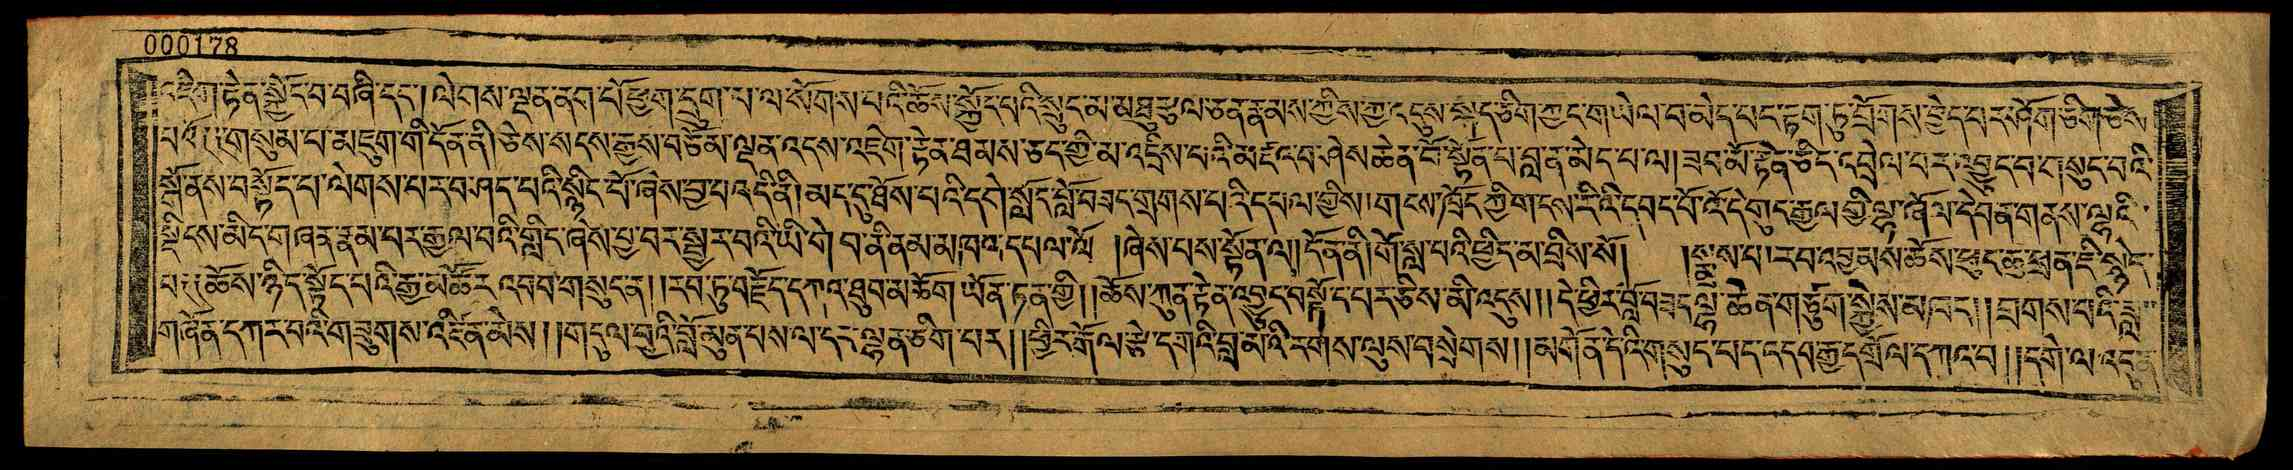འཇིག་རྟེན་སྐྱོང་བ་བཞི་དང་། ལེགས་ལྡན་ནག་པོ་ཕྱག་དྲུག་པ་ལ་སོགས་པའི་ཆོས་སྐྱོང་བའི་སྲུང་མ་མཐུ་རྩལ་ཅན་རྣམས་ཀྱིས་ཀྱང་དུས་སྐད་ཅིག་ཀྱང་གཡེལ་བ་མེད་པར་རྟག་ཏུ་གྲོགས་བྱེད་པར་ཤོག་ཅིག་ཅེས་
པའོ། །གསུམ་པ་མཇུག་གི་དོན་ནི། ཅེས་སངས་རྒྱས་བཅོམ་ལྡན་འདས་འཇིག་རྟེན་ཐམས་ཅད་ཀྱི་མ་འདྲེས་པའི་མཛའ་བཤེས་ཆེན་པོ་སྟོན་པ་བླ་ན་མེད་པ་ལ། ཟབ་མོ་རྟེན་ཅིང་འབྲེལ་པར་འབྱུང་བ་གསུང་པའི་
སྒོ་ནས་བསྟོད་པ་ལེགས་པར་བཤད་པའི་སྙིང་པོ་ཞེས་བྱ་བ་འདི་ནི། མང་དུ་ཐོས་པའི་དགེ་སློང་བློ་བཟང་གྲགས་པའི་དཔལ་གྱིས། གངས་ཁྲོད་ཀྱི་གངས་རིའི་དབང་པོའི་དེ་གུང་རྒྱལ་གྱི་ལྷ་ཞོལ་དབེན་གནས་ལྷའི་
སྡིངས་མིང་གཞན་རྣམ་པར་རྒྱལ་བའི་གླིང་ཞེས་བྱ་བར་སྦྱར་བའི་ཡི་གེ་པ་ནི་ནམ་མཁའ་དཔལ་ལོ། །ཞེས་པས་སྟོན་ལ། དོན་ནི། གོ་སླ་བའི་ཕྱིར་མ་བྲིས་སོ། །སྨྲས་པ། རབ་འབྱམས་ཆོས་ཕུང་ཆུ་ཕྲན་ཇི་སྙེད་
པ། །ཆོས་ཉིད་སྟོང་པའི་རྒྱ་མཚོར་འབབ་གསུང་ན། །རབ་ཏུ་བརྗོད་དཀའ་ཐུབ་མཆོག་ཡོན་ཏན་གྱི། །ཆོས་ཀུན་རྟེན་འབྱུང་བསྟོད་པར་ཅིས་མི་འདུས། །དེ་ཕྱིར་བློ་བཟང་ལྷ་ཆེན་གཙུག་སྐྱེས་མཁར། །གྲགས་པའི་ཟླ་
གཞོན་དཀར་བའི་གཟུགས་འཛིན་མེས། །གདུལ་བྱའི་བློ་མུན་བསལ་དང་ལྷན་ཅིག་པར། །ཕྱིར་རྒོལ་རྩེ་དགའི་བླ་མའི་རགས་ལུས་བསྲེགས། །མགོན་དེའི་གསུང་པད་འདབ་རྒྱ་དགྲོལ་དཀའ་བ། །དགེ་ལ་འདུན་